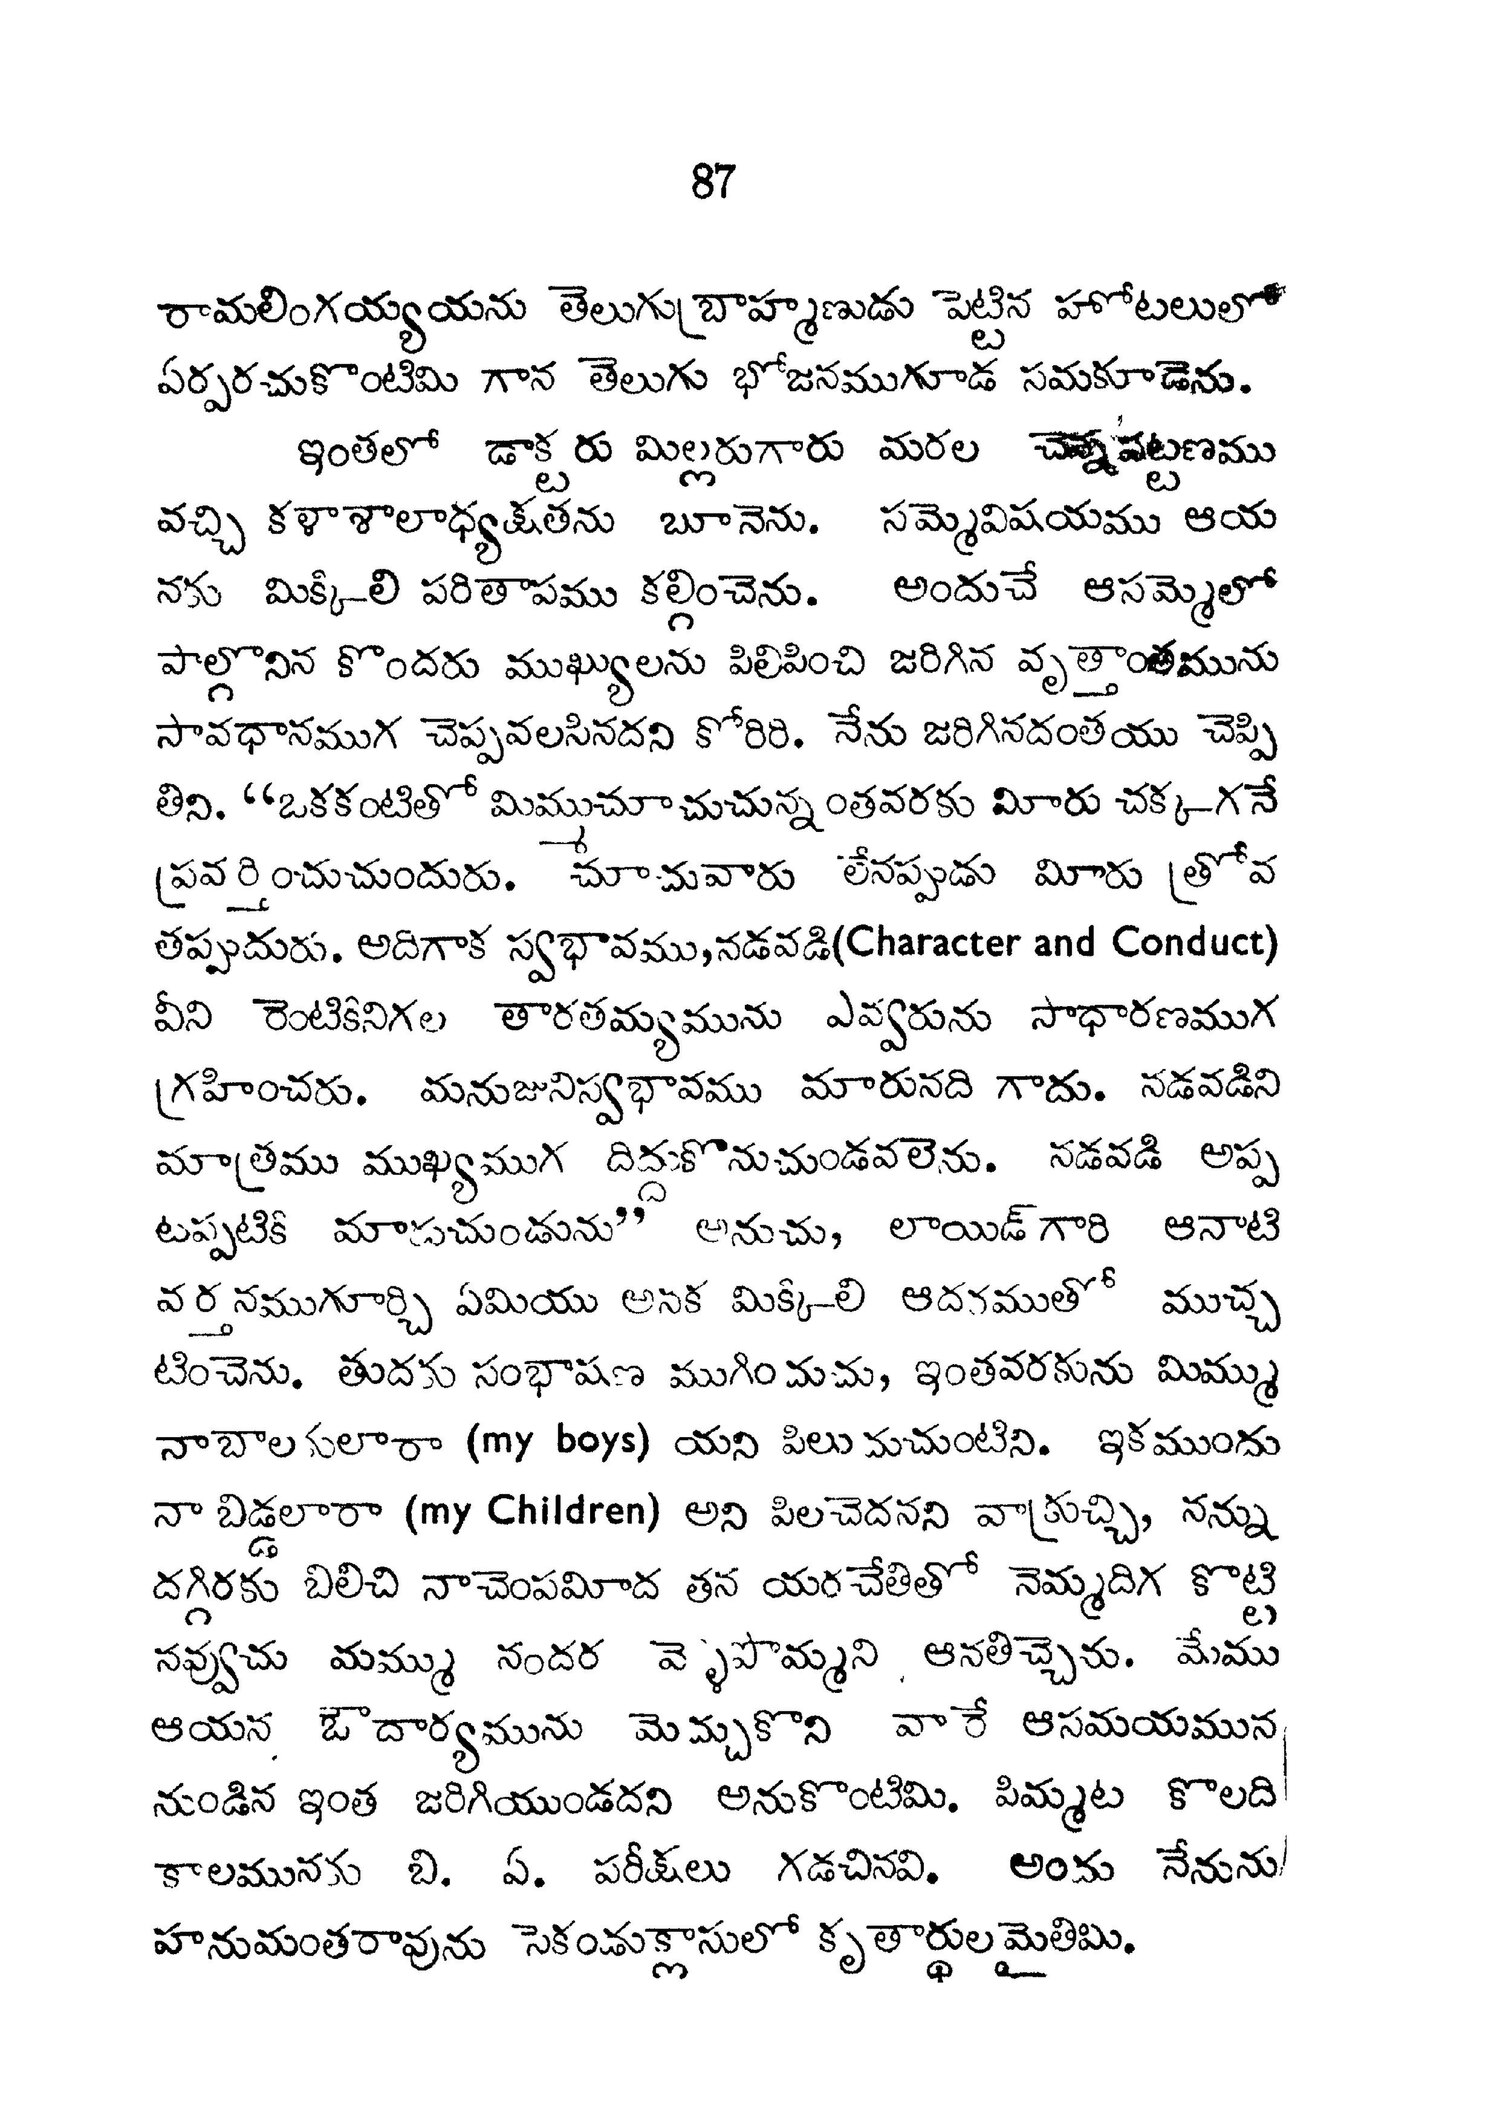రామలింగయ్యయను తెలుగుబ్రాహ్మణుడు పెట్టిన హోటలులో ఏర్పరచుకొంటిమి గాన తెలుగు భోజనముగూడ సమకూడెను.

ఇంతలో డాక్టరు మిల్లరుగారు మరల చెన్నపట్టణము వచ్చి కళాశాలాధ్యక్షతను బూనెను. సమ్మెవిషయము ఆయనకు మిక్కిలి పరితాపము కల్గించెను. అందుచే ఆసమ్మెలో పాల్గొనిన కొందరు ముఖ్యులను పిలిపించి జరిగిన వృత్తాంతమును సావధానముగ చెప్పవలసినదని కోరిరి. నేను జరిగినదంతయు చెప్పెతిని. "ఒకకంటితో మిమ్ముచూచుచున్నంతవరకు మీరు చక్కగనే ప్రవర్తించుచుందురు. చూచువారు లేనప్పుడు మీరు త్రోవ తప్పుదురు. అదిగాక స్వభావము, నడవడి (Character and Conduct) వీని రెంటికినిగల తారతమ్యమును ఎవ్వరును సాధారణముగ గ్రహించరు. మనుజునిస్వభావము మారునది గాదు. నడవడిని మాత్రము ముఖ్యముగ దిద్దుకొనుచుండవలెను. నడవడి అప్పటప్పటికి మారుచుండును" అనుచు, లాయిడ్‌గారి ఆనాటి వర్తనముగూర్చి ఏమియు అనక మిక్కిలి ఆదరముతో ముచ్చటించెను. తుదకు సంభాషణ ముగించుచు, ఇంతవరకును మిమ్ము నాబాలకులారా (my boys) యని పిలుచుచుంటిని. ఇకముందు నా బిడ్డలారా (my children) అని పిలిచెదనని వాక్రుచ్చి, నన్ను దగ్గిరకు బిలిచి నాచెంపమీద తన యరచేతితో నెమ్మదిగ కొట్టి నవ్వుచు మమ్ము నందర వెళ్ళిపొమ్మని ఆనతిచ్చెను. మేము ఆయన ఔదార్యమును మెచ్చుకొని వారే ఆసమయమున నుండిన ఇంత జరిగియుండదని అనుకొంటిమి. పిమ్మట కొలది కాలమునకు బి. ఏ. పరీక్షలు గడచినవి. అందు నేనును హనుమంతురావును సెకండుక్లాసులో కృతార్థులమైతిమి.